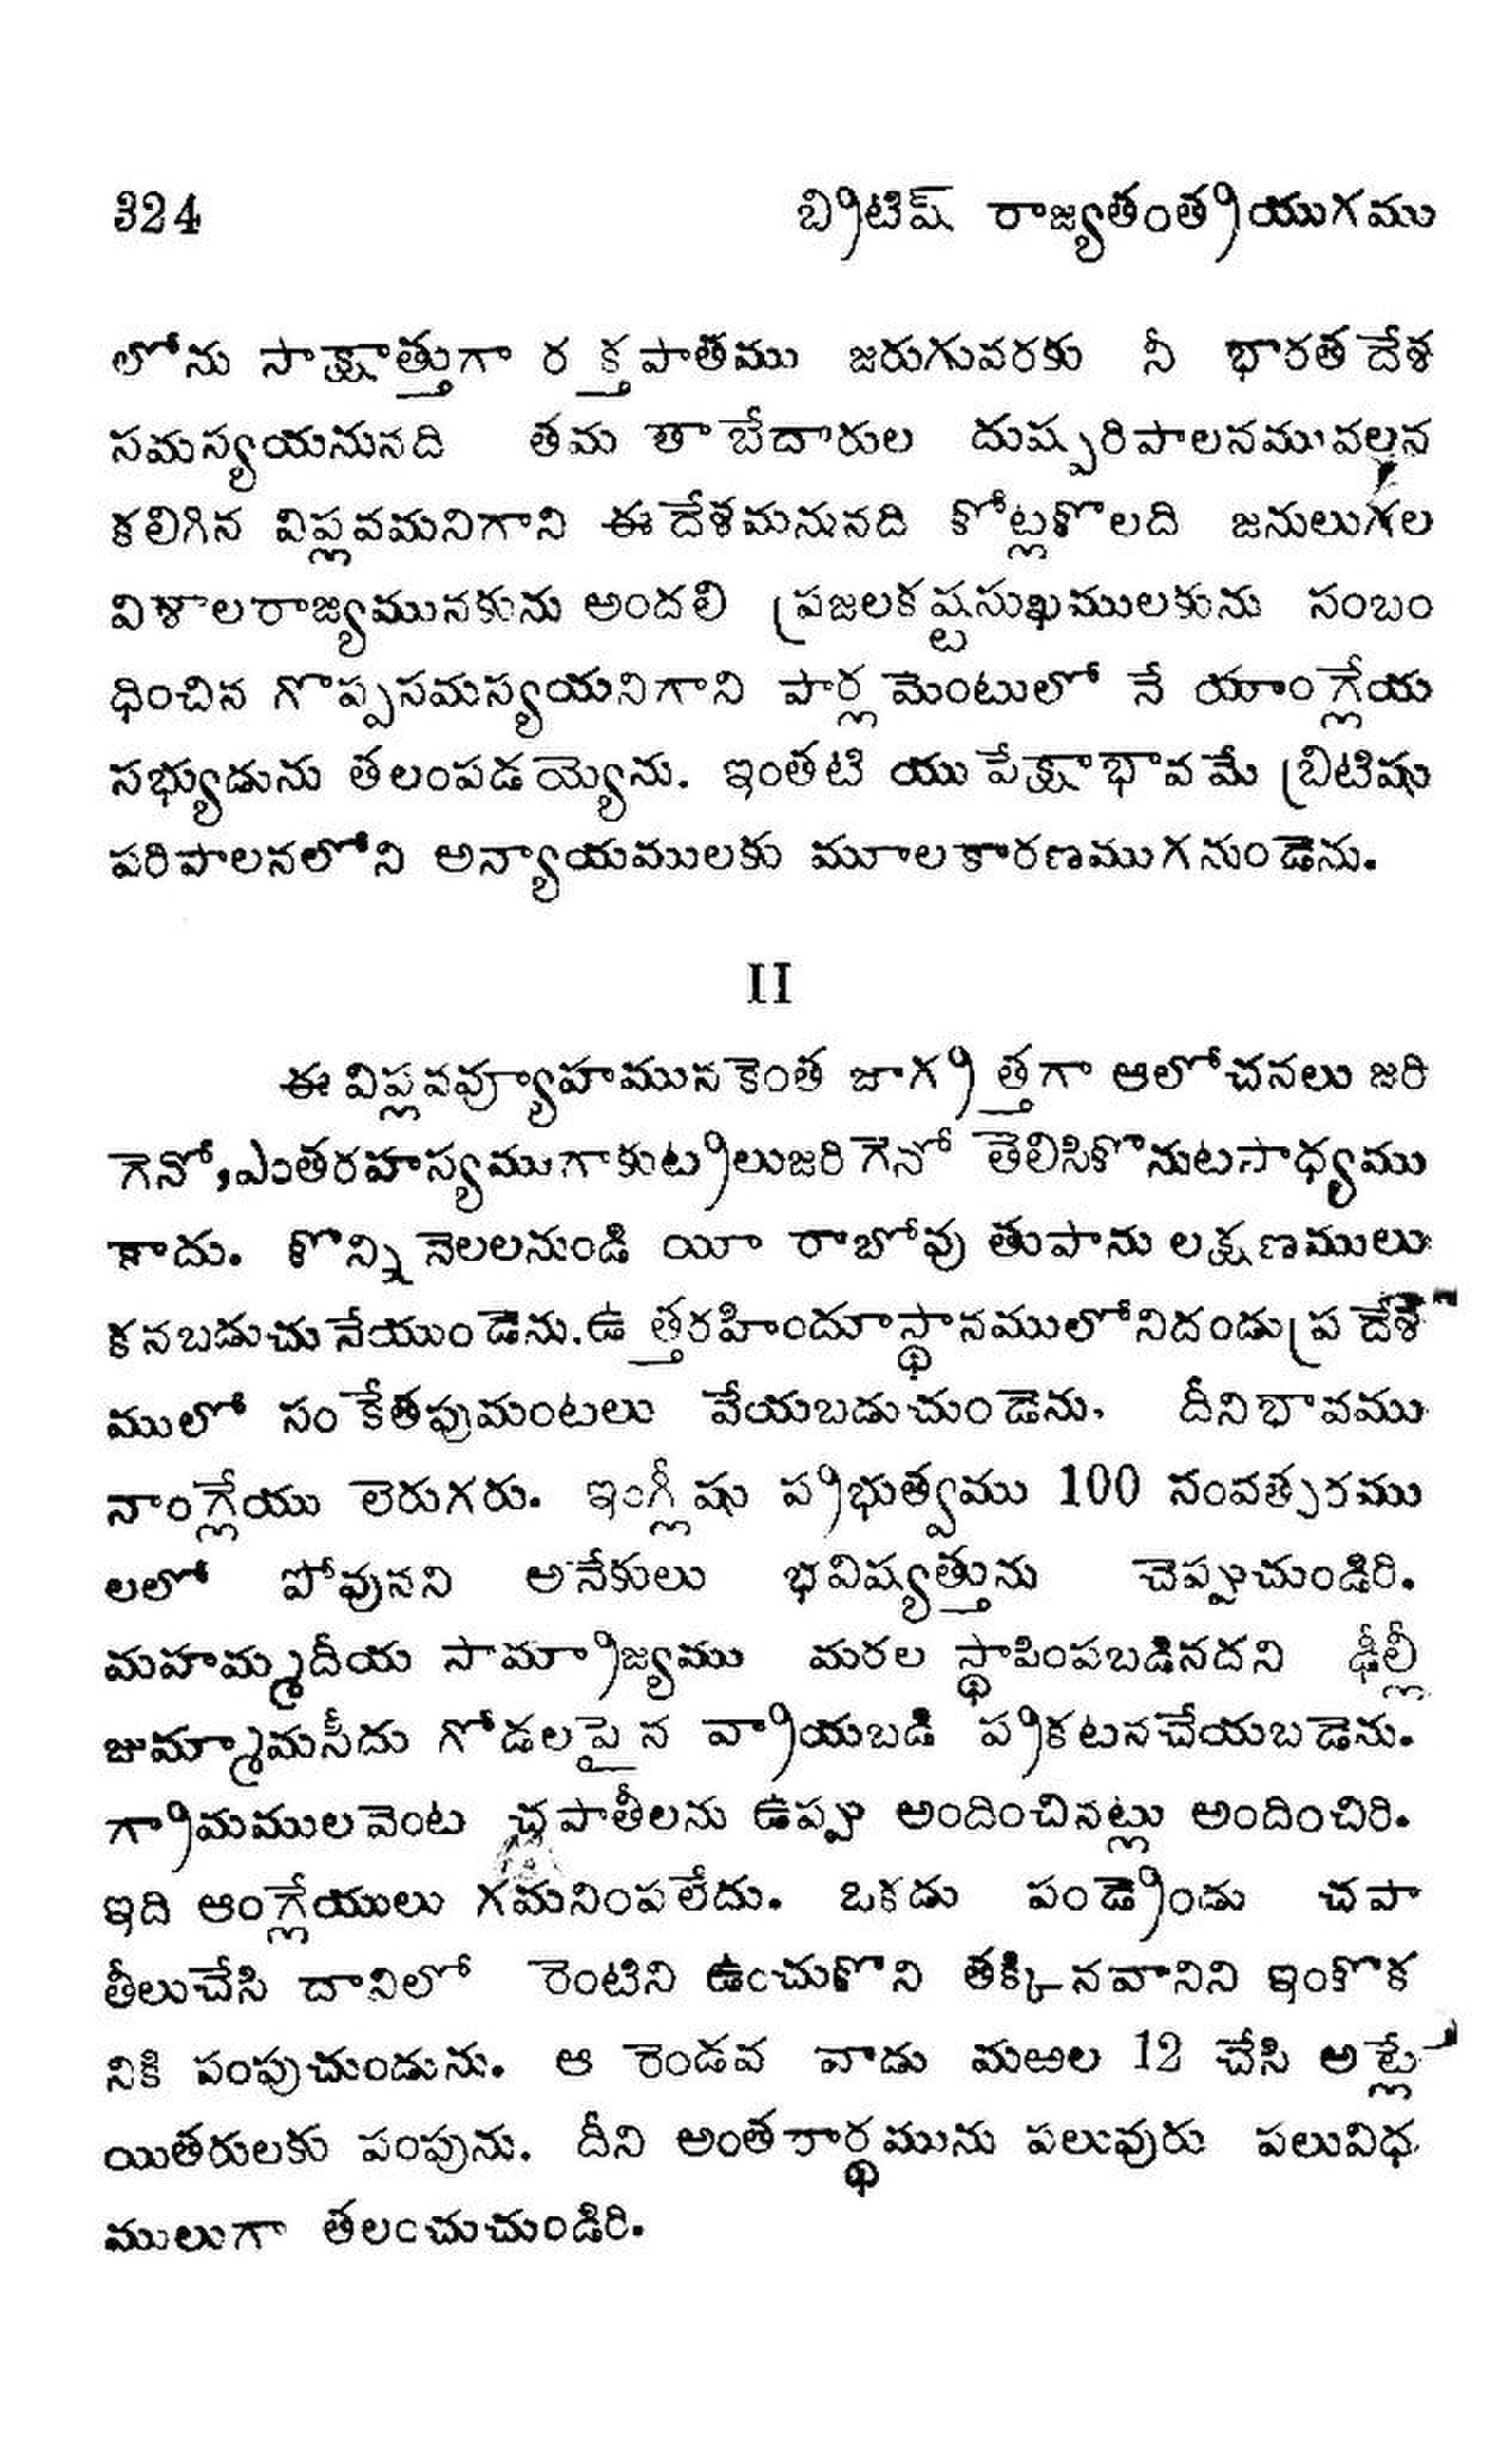లోను సాక్షాత్తుగా రక్తపాతము జరుగువరకు నీ భారతదేశ సమస్యయనునది తమ తాబేదారుల దుష్పరిపాలనమువలన కలిగిన విప్లవమనిగాని ఈ దేశమనునది కోట్లకొలది జనులుగల విశాలరాజ్యమునకును అందలి ప్రజలకష్ట సుఖములకును సంబంధించిన గొప్పసమస్యయనిగాని పార్లమెంటులో నే యాంగ్లేయ సభ్యుడును తలంపడయ్యెను. ఇంతటి యుపేక్షాభావమే బ్రిటిషు పరిపాలనలోని అన్యాయములకు మూలకారణముగనుండెను.

II

ఈ విప్లవవ్యూహమునకెంత జాగ్రత్తగా ఆలోచనలు జరిగెనో, ఎంతరహస్యముగాకుట్రలుజరిగెనో తెలిసికొనుటసాధ్యముకాదు. కొన్నినెలలనుండి యీ రాబోవు తుపాను లక్షణములు కనబడుచునేయుండెను. ఉత్తరహిందూస్థానములోని దండుప్రదేశములో సంకేతపుమంటలు వేయబడుచుండెను, దీనిభావము నాంగ్లేయు లెరుగరు. ఇంగ్లీషు ప్రభుత్వము 100 సంవత్సరములలో పోవునని అనేకులు భవిష్యత్తును చెప్పుచుండిరి. మహమ్మదీయ సామ్రాజ్యము మరల స్థాపింపబడినదని ఢిల్లీ జుమ్మామసీదు గోడలపైన వ్రాయబడి ప్రకటనచేయబడెను. గ్రామములవెంట చపాతీలను ఉప్పు అందించినట్లు అందించిరి. ఇది ఆంగ్లేయులు గమనింపలేదు. ఒకడు పండ్రెండు చపాతీలుచేసి దానిలో రెంటిని ఉంచుకొని తక్కినవానిని ఇంకొకనికి పంపుచుండును. ఆ రెండవవాడు మఱల 12 చేసి అట్లే యితరులకు పంపును. దీని అంతరార్థమును పలువురు పలువిధములుగా తలంచుచుండిరి.